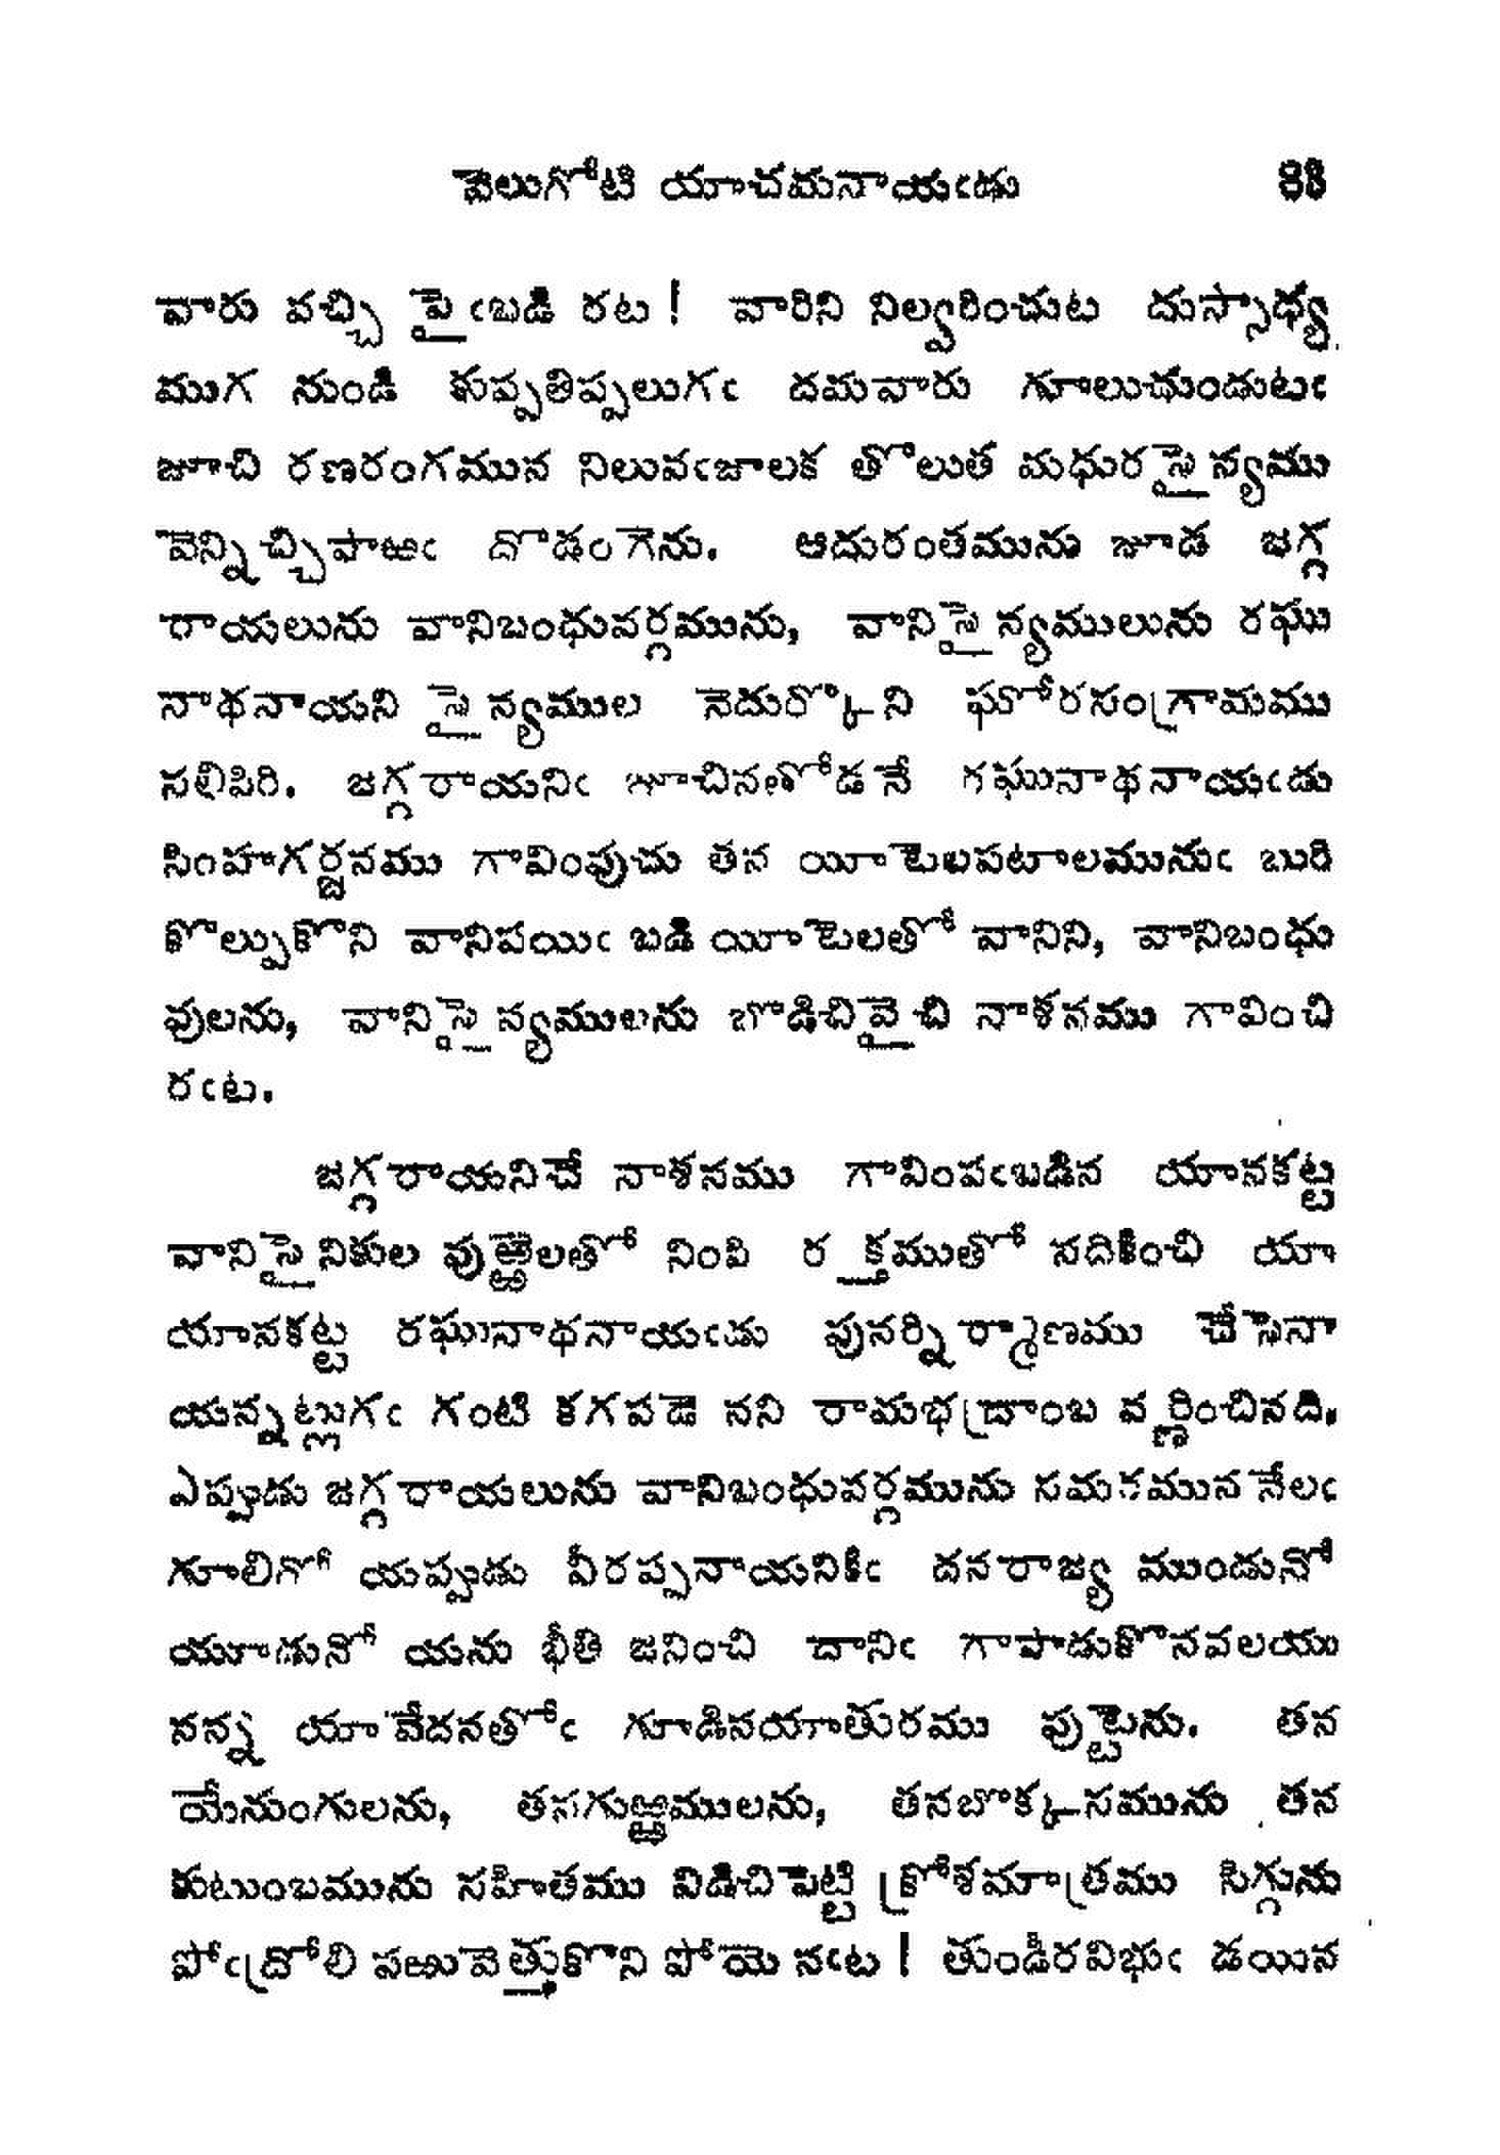వారు వచ్చి పైఁబడి రట! వారిని నిల్వరించుట దుస్సాధ్యముగ నుండి కుప్పతిప్పలుగఁ దమవారు గూలుచుండుటఁ జూచి రణరంగమున నిలువఁజాలక తొలుత మధురసైన్యము వెన్నిచ్చిపాఱఁ దొడంగెను. ఆదురంతమును జూడ జగ్గరాయలును వానిబందువర్గమును, వానిసైన్యములును రఘునాథనాయని సైన్యముల నెదుర్కొని ఘోరసంగ్రామము సలిపిరి. జగ్గరాయనిఁ జూచినతోడనే రఘునాథనాయఁడు సింహగర్జనము గావింపుచు తన యీటెలపటాలమునుఁ బురి కొల్పుకొని వానిపయిఁ బడి యీటెలతో వానిని, వానిబంధువులను, వానిసైన్యములను బొడిచివైచి నాశనము గావించిరఁట.

జగ్గరాయనిచే నాశనము గావింపఁబడిన యానకట్ట వానిసైనికుల పుఱ్ఱెలతో నింపి రక్తముతో నదికించి యా యానకట్ట రఘునాథనాయఁడు పునర్నిర్మాణము చేసెనా యన్నట్లుగఁ గంటి కగపడె నని రామభద్రాంబ వర్ణించినది. ఎప్పుడు జగ్గరాయలును వానిబంధువర్గమును సమరముననేలఁ గూలిరో యప్పుడు వీరప్పనాయనికిఁ దనరాజ్య ముండునో యూడునో యను భీతి జనించి దానిఁ గాపాడుకొనవలయు నన్న యావేదనతోఁ గూడినయాతురము పుట్టెను. తన యేనుంగులను, తనగుఱ్ఱములను, తనబొక్కసమును తన కుటుంబమును సహితము విడిచిపెట్టి క్రోశమాత్రము సిగ్గును పోఁద్రోలి పఱువెత్తుకొని పోయెనఁట! తుండీరవిభుఁ డయిన